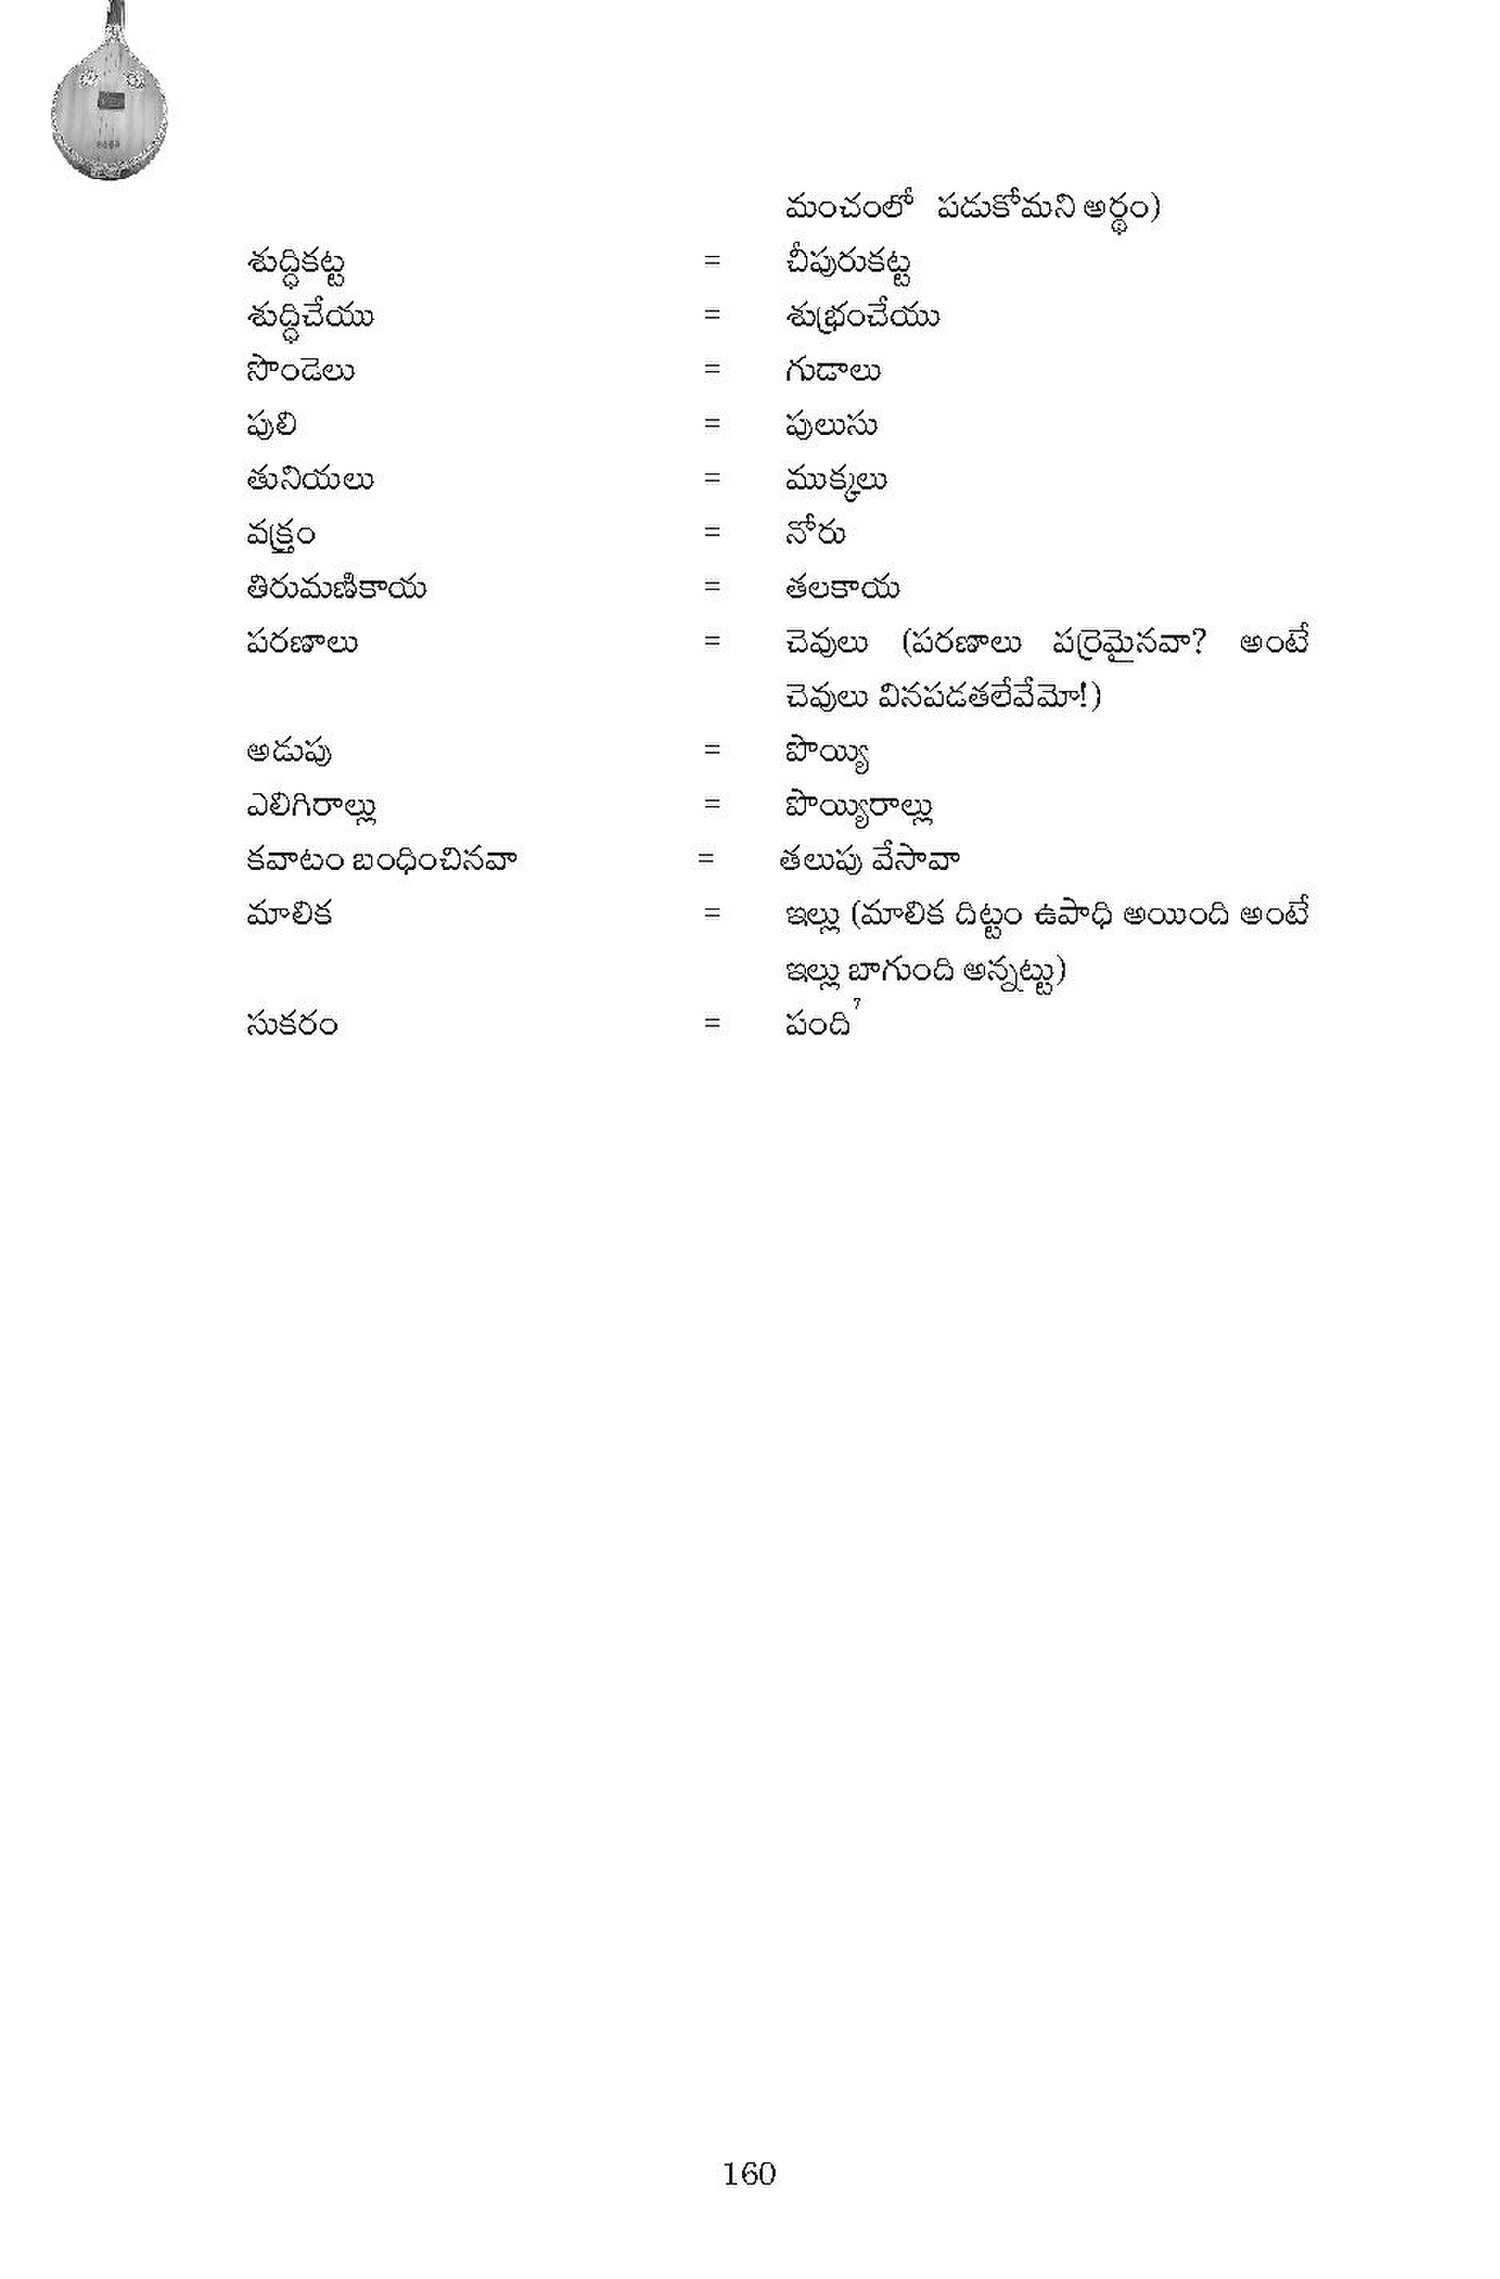+ శుద్ధికట్ట చీపురుకట్ట శుద్ధిచేయు శుభ్రంచేయు సొండెలు గుడాలు పులి పులుసు తునియలు ముక్కలు వక్త్రం నోరు తిరుమణికాయ తలకాయ పరణాలు చెవులు (పరణాలు పర్రెమైనవా? అంటే చెవులు వినపడతలేవేమో!) అడుపు పొయ్యి ఎలిగిరాల్లు పొయ్యిరాలు కవాటం బంధించినవా తలుపు వేసావా మాలిక ఇల్లు (మాలిక దిట్టం ఉపాధి అయింది అంటే ఇల్లు బాగుంది అన్నట్టు) సుకరం పంది7